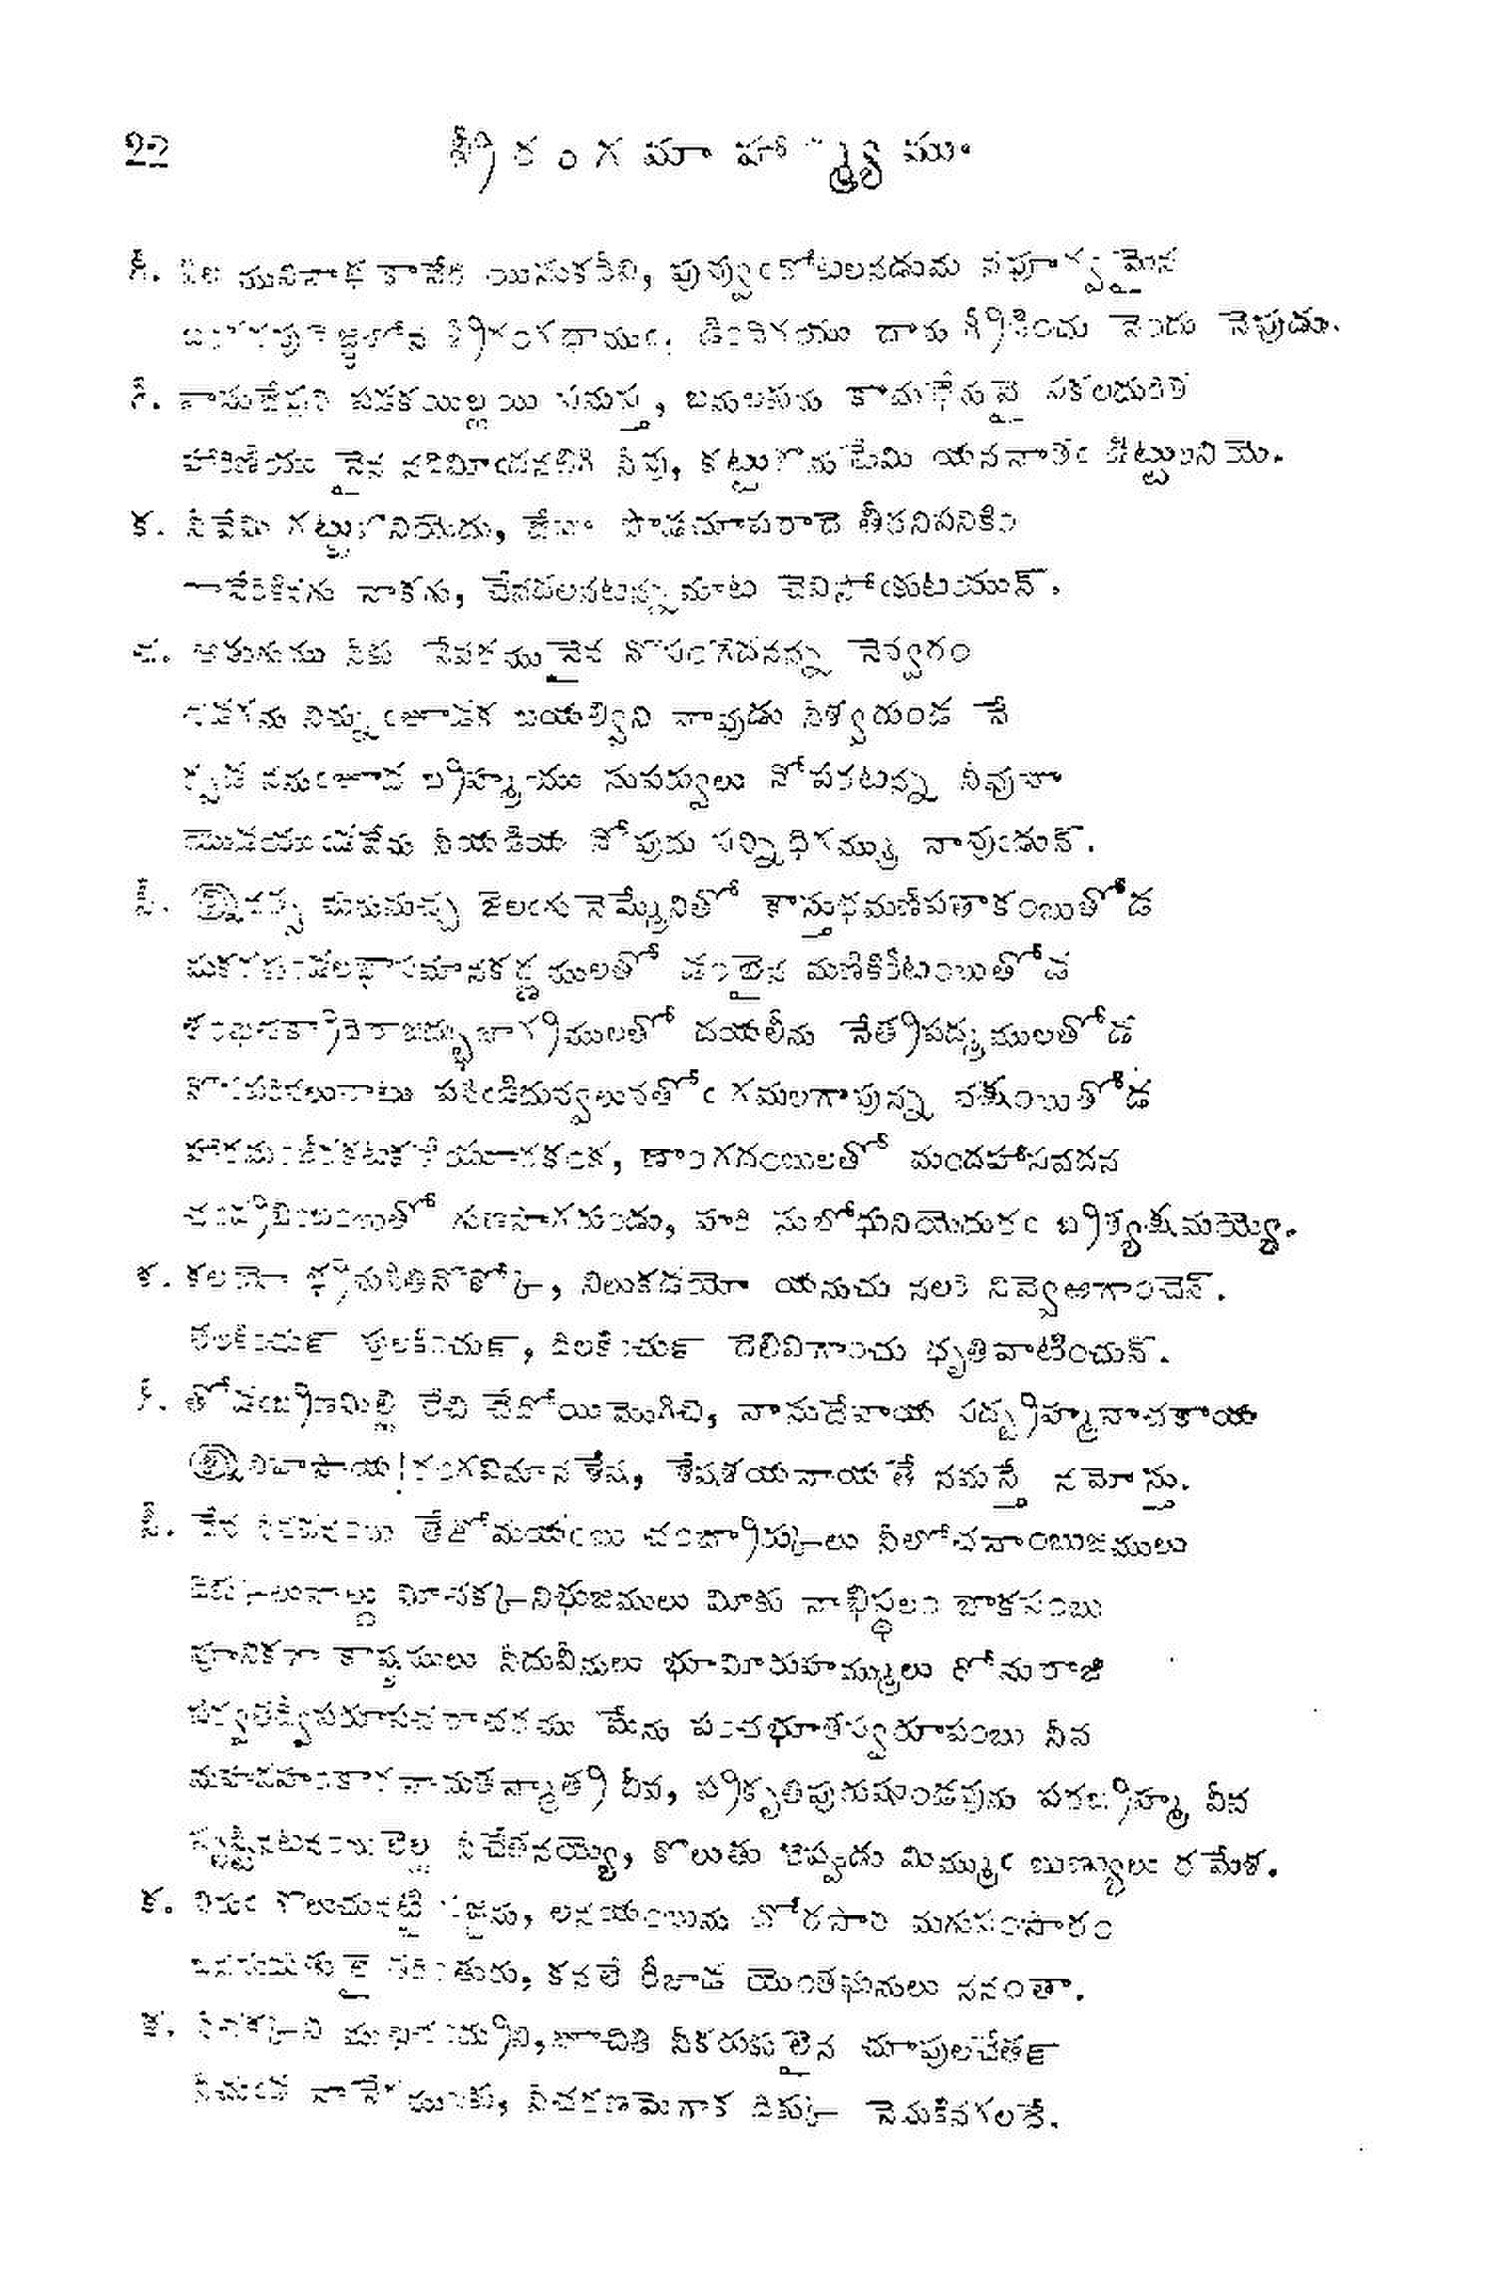గీ. విలసమునినాభ కావేరి యిసుకదీవి, పువ్వుఁదోటలనడును నపూర్వమైన
 బలగరపుసెజ్జలోన శ్రీరంగధాముఁ, డిందిరయు దాను గ్రీడించు నెందు నెపుడు.
గీ. వాసుదేవుని పడకయిల్లయి సమస్త, బనులకును కామధేనువై సకలదురిత
 హారిణియు నైన నదిమీఁద నలిగి నీవు, కట్టుకొనుటేమి యన నాతఁ డిట్టులనియె.
క. నీ వేమి గట్టుకొనియెదు, దేవా పొడచూపరాదె తీరనిపనికిం
 కావేరికినగు నాకగు, చేవదలనటన్నమాట చెవిసోఁకుటయున్.
చ. అడుగుము నీకు నేవరమునైన నొసంగెదనన్న నెవ్వరం
 చడగను నిన్నుఁ జూడక బయల్విని నావుడు నీశ్వరుండ నే
 ర్పడ ననుఁ జూడ బ్రహ్మయు సుపర్వులు నోపరటన్న నీవు నా
 యొడయుఁడవేను నీయడియ నోపుదు సన్నిధిగమ్ము నావుఁడున్.
సీ. శ్రీవత్స మనుమచ్చ జెలఁగు నెమ్మేనితో కౌస్తుభమణిపతాకంబుతోడ
 మకరకుండలభాసమానకర్ణములతో డంబైన మణికిరీటంబుతోడ
 శంఖచక్రాదిరాజద్భుజాగ్రములతో దయలీను నేత్రపద్మములతోడ
 నొగపరివలువాటు పసిఁడిదువ్వలువతోఁ గమలగాపున్న వక్షంబుతోడ
 హారమంజీరకటకకేయూరకంక, ణాంగదంబులతో మందహాసవదన
 చంద్రబింబంబుతో గుణసాగరుండు, హరి సుబోధునియెదురఁ బ్రత్యక్షమయ్యె.
క. కలయో భ్రమనీతినొక్కో, నిలుకడయో యనుచు నలక నివ్వెఱగాంచెన్
 తలకించున్ పులకించున్, దిలకించున్ దెలివి గాంచు భృతి వాటించున్.
గీ. తోడఁబ్రణమిల్లి లేచి చేదోయి మొగిచి, వామదేవాయ సద్బ్రహ్మనాచకాయ
 శ్రీనివాసాయ! రంగవిమానశేష, శేషశయనాయతే నమస్తే నమోస్తు.
సీ. దేవ నీవదనంబు తేజోమయంబు చంద్రార్కులు నీలోచనాంబుజములు
 దిక్కులునాల్గు మీచక్కనిభుజములు మీకు నాభిస్థలం బాకసంబు
 పూనికగా కాష్ఠములు నీదువీనులు భూమీరుహమ్ములు రోమరాజి
 పర్వతద్వీపరూపచరాచరము మేను పంచభూతస్వరూపంబు నీవ
 మహదహంకారనామతన్మాత్ర వీవ, ప్రకృతిపురుషుండవును పరబ్రహ్మ వీవ
 సృష్టినటనంబులెల్ల నీచేతనయ్యె, కొలుతు రెప్పుడు మిమ్ముఁ బుణ్యులు రమేశ.
క. నినుఁ గొలుచునట్టి సజ్జను, లనయంబును చేరసార మగుసంసారం
 బననుమతులై తరింతురు, కనలే రీజాడ యెంతఘనులు ననంతా.
క. నీచక్కని ముఖచంద్రుని, జూచితి నీకరుకులైన చూపులచేతన్
 నీచుఁడ నానేరమునకు, నీచరణమెగాక దిక్కు నెమకినగలదే.